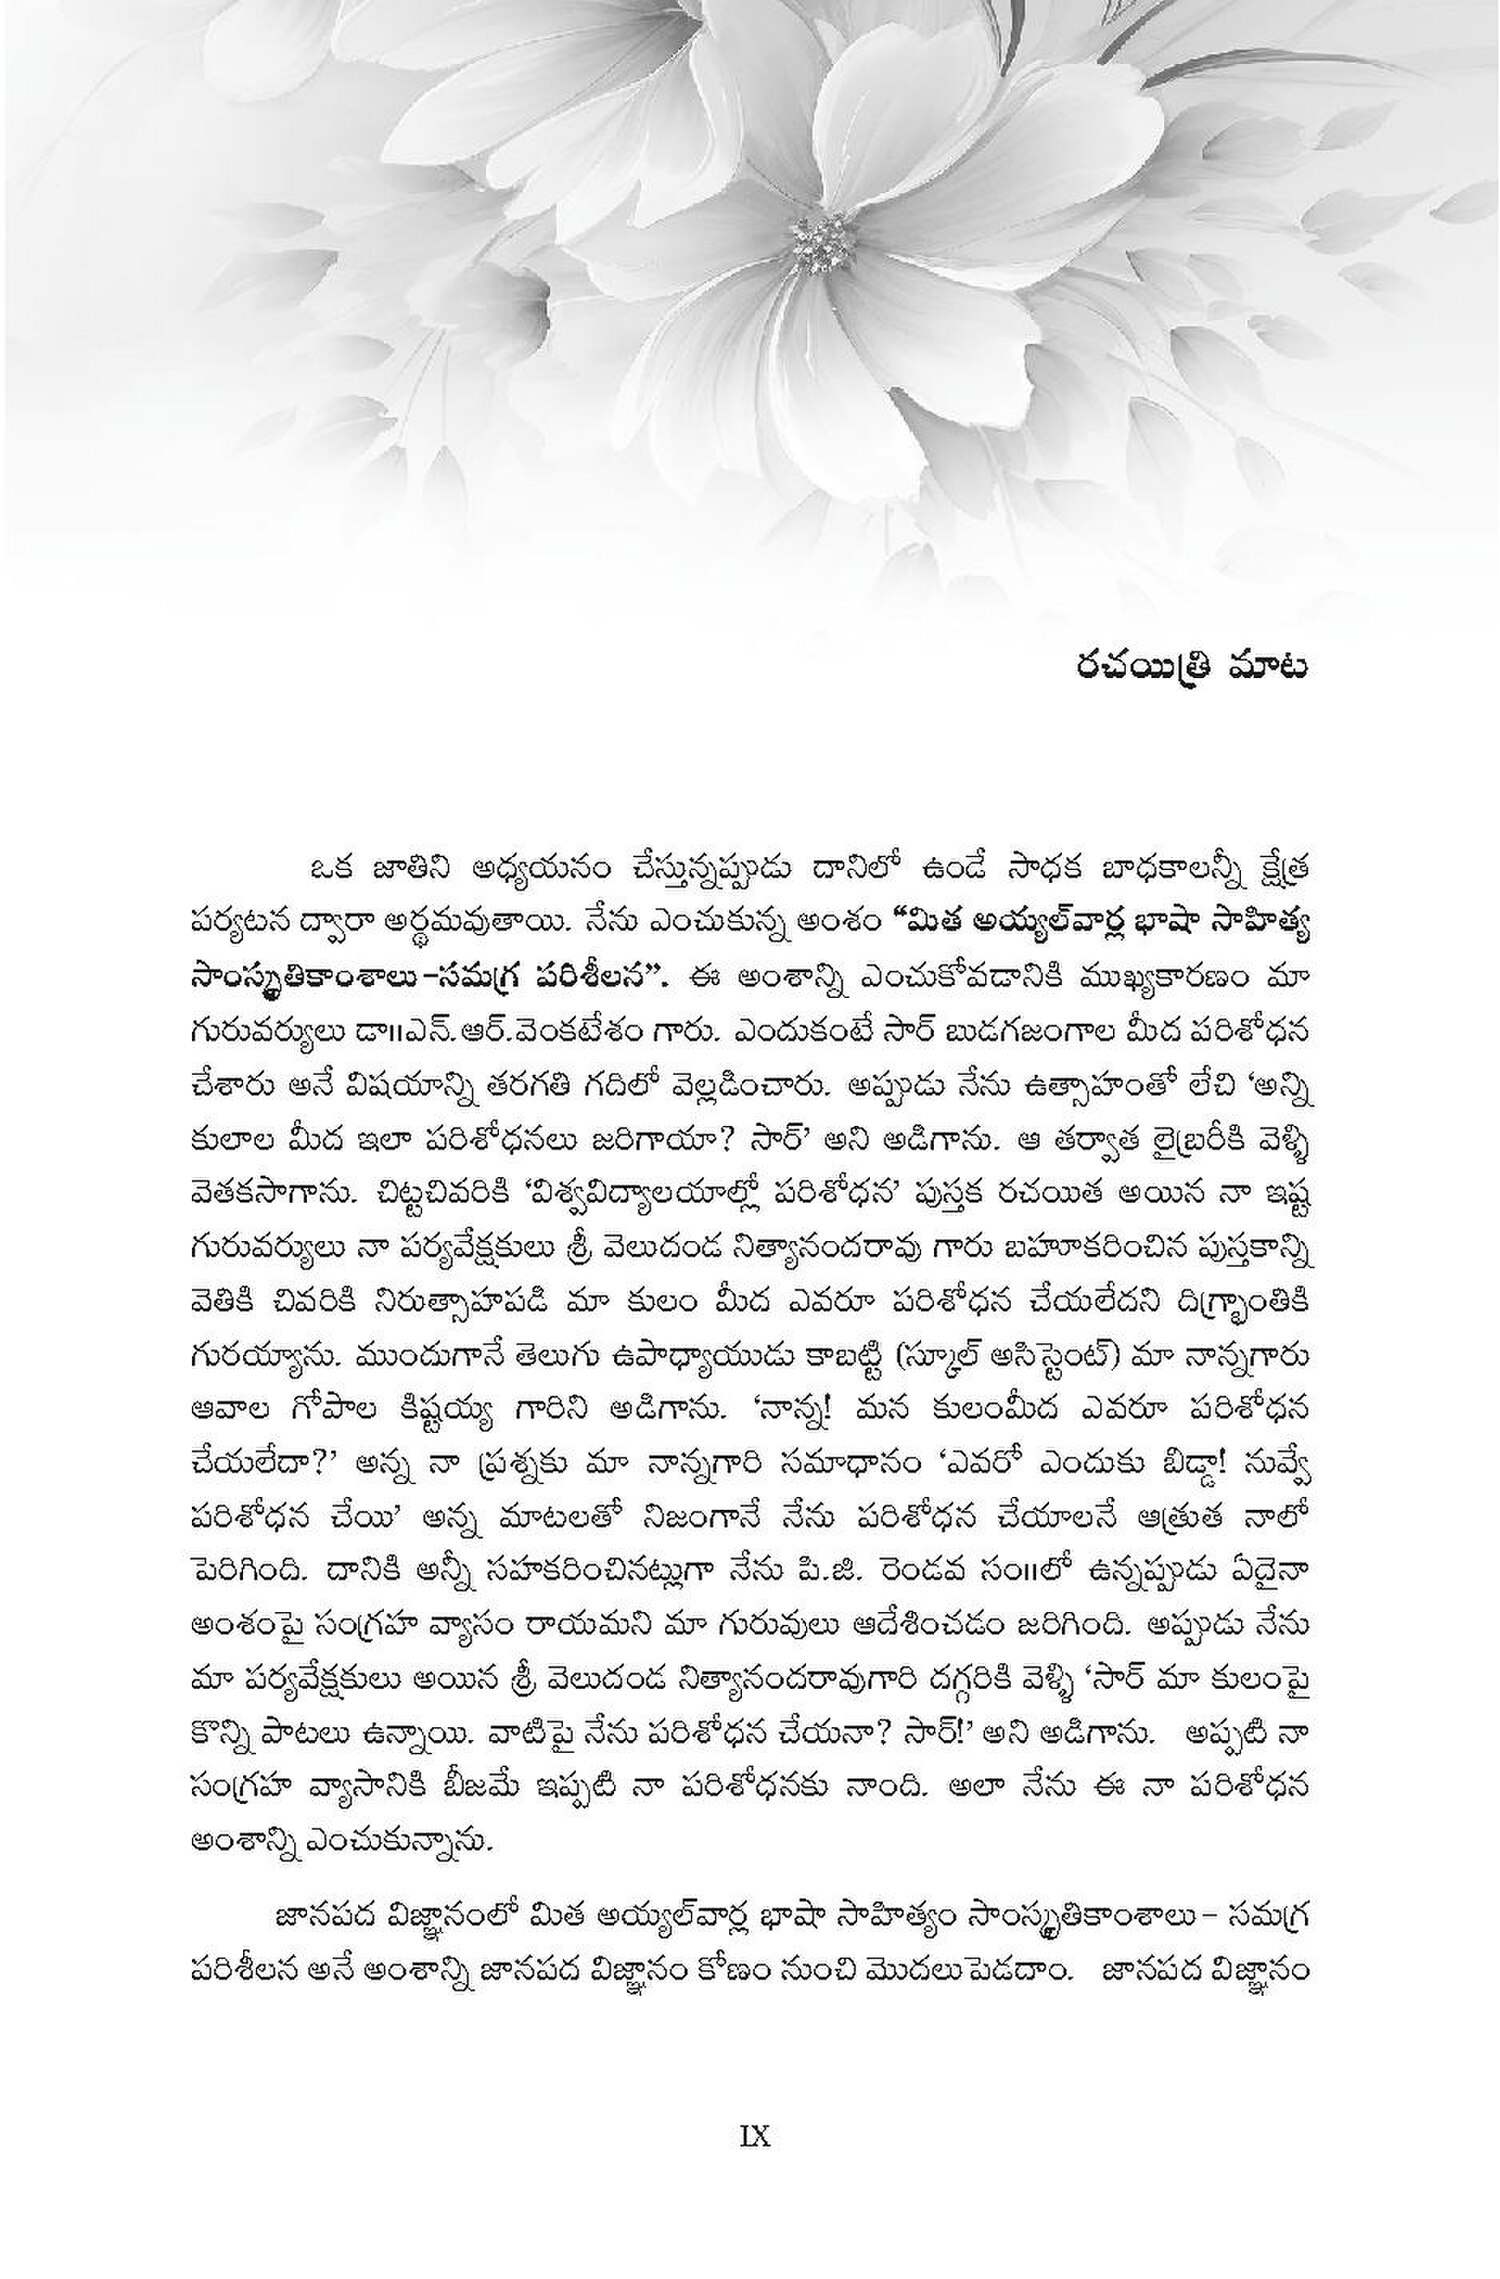ఒక జాతిని అధ్యయనం చేస్తున్నప్పుడు దానిలో ఉండే సాధక బాధకాలన్నీ క్షేత్ర పర్యటన ద్వారా అర్థమవుతాయి. నేను ఎంచుకున్న అంశం "మిత అయ్యల్వార్ల భాషా సాహిత్య సాంస్కృతికాంశాలు - సమగ్ర పరిశీలన". ఈ అంశాన్ని ఎంచుకోవడానికి ముఖ్యకారణం మా గురువర్యులు డా౹౹ఎన్.ఆర్.వెంకటేశం గారు. ఎందుకంటే సార్ బుడగ జంగాల మీద పరిశోధన చేశారు అనే విషయాన్ని తరగతి గదిలో వెల్లడించారు. అప్పుడు నేను ఉత్సాహంతో లేచి 'అన్ని కులాల మీద ఇలా పరిశోధనలు జరిగాయా? సార్' అని అడిగాను. ఆ తర్వాత లైబ్రరీకి వెళ్ళి వెతకసాగాను. చిట్టచివరికి 'విశ్వవిద్యాలయా ల్లో పరిశోధన' పుస్తక రచయిత అయిన నా ఇష్ట గురువర్యులు నా పర్యవేక్షకులు శ్రీ వెలుదండ నిత్యానందరావు గారు బహూకరించిన పుస్తకాన్ని వెతికి చివరికి నిరుత్సాహపడి మా కులం మీద ఎవరూ పరిశోధన చేయలేదని దిగ్భ్రాంతికి గురయ్యాను. ముందుగానే తెలుగు ఉపాధ్యాయుడు కాబట్టి (స్కూల్ అసిస్టెంట్) మా నాన్నగారు ఆవాల గోపాల కిష్టయ్య గారిని అడిగాను. 'నాన్న! మన కులంమీద ఎవరూ పరిశోధన చేయలేదా?' అన్న నా ప్రశ్నకు మా నాన్నగారి సమాధానం 'ఎవరో ఎందుకు బిడ్డా! నువ్వే పరిశోధన చేయి' అన్న మాటలతో నిజంగానే నేను పరిశోధన చేయాలనే ఆత్రుత నాలో పెరిగింది. దానికి అన్నీ సహకరించినట్లుగా నేను పి.జి. రెండవ సం॥లో ఉన్నప్పుడు ఏదైనా అంశంపై సంగ్రహ వ్యాసం రాయమని మా గురువులు ఆదేశించడం జరిగింది. అప్పుడు నేను మా పర్యవేక్షకులు అయిన శ్రీ వెలుదండ నిత్యానంద రావుగారి దగ్గరికి వెళ్ళి 'సార్ మా కులంపై కొన్ని పాటలు ఉన్నాయి. వాటిపై నేను పరిశోధన చేయనా? సార్!' అని అడిగాను. అప్పటి నా సంగ్రహ వ్యాసానికి బీజమే ఇప్పటి నా పరిశోధనకు నాంది. అలా నేను ఈ నా పరిశోధన అంశాన్ని ఎంచుకున్నాను.

జానపద విజ్ఞానంలో మిత అయ్యల్వార్ల భాషా సాహిత్యం సాంస్కృతికాంశాలు - సమగ్ర పరిశీలన అనే అంశాన్ని జానపద విజ్ఞానం కోణం నుంచి మొదలు పెడదాం. జానపద విజ్ఞానం